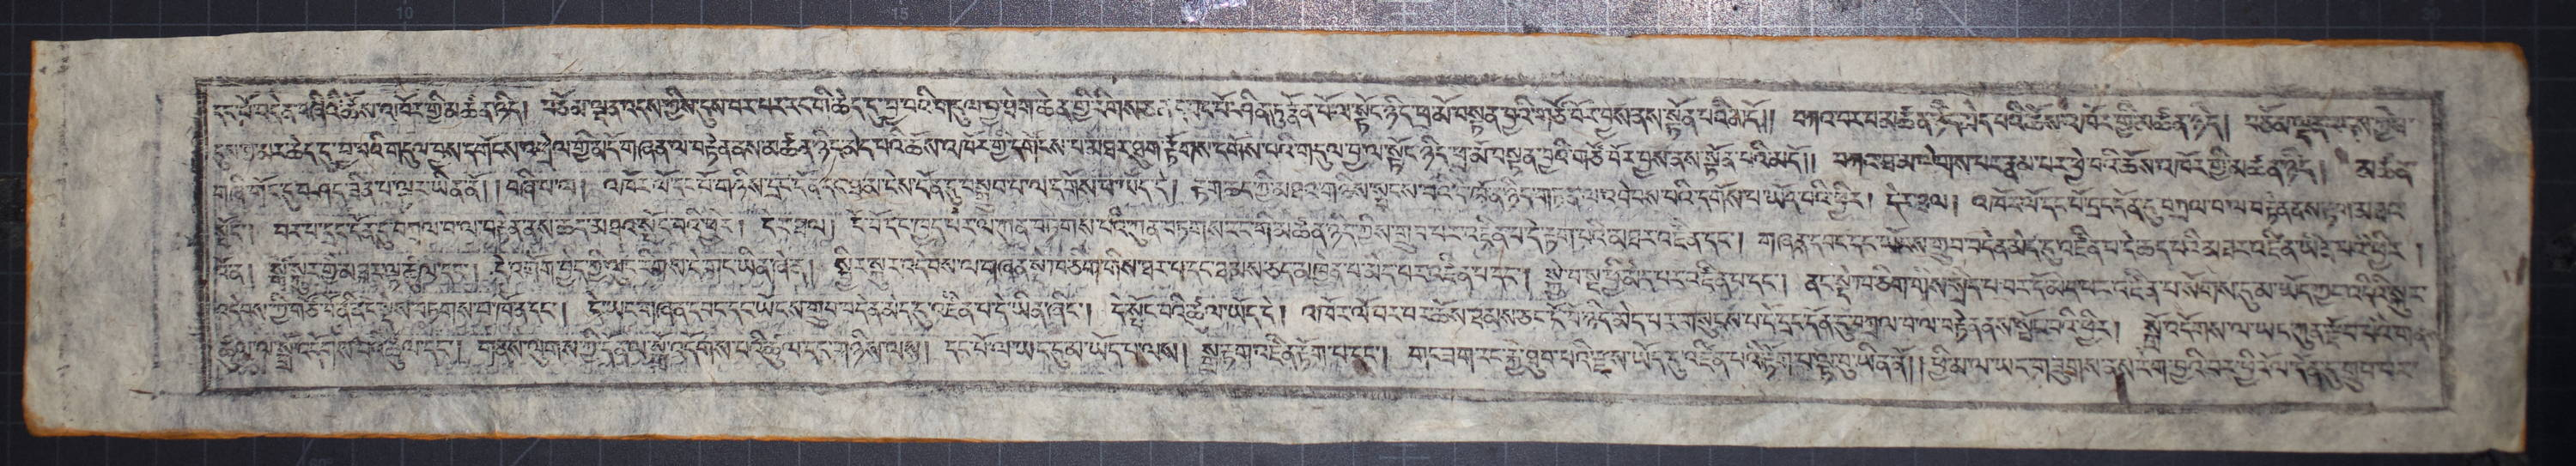དང་པོ་བདེན་བཞིའི་ཆོས་འཁོར་གྱི་མཚན་ཉིད། བཅོམ་ལྡན་འདས་ཀྱིས་དུས་བར་པར་རང་གི་ཆེད་དུ་བྱ་བའི་གདུལ་བྱ་ཐེག་ཆེན་གྱི་རིགས་ཅན་དབང་པོ་ཤིན་ཏུ་རྣོན་པོ་ལ་སྟོང་ཉིད་ཕྲ་མོ་བསྟན་བྱའི་གཙོ་བོར་བྱས་ནས་སྟོན་པའི་མདོ། །བཀའ་བར་པ་མཚན་ཉིད་མེད་པའི་ཆོས་འཁོར་གྱི་མཚན་ཉིད། བཅོམ་ལྡན་འདས་ཀྱིས་
དུས་ཐ་མར་ཆེད་དུ་བྱ་བའི་གདུལ་བྱས་དགོངས་འགྲེལ་གྱི་མདོ་གཞན་ལ་བརྟེན་ནས་མཚན་ཉིད་མེད་པའི་ཆོས་འཁོར་གྱི་དགོངས་པ་མཐར་ཐུག་རྟོགས་དགོས་པའི་གདུལ་བྱ་ལ་སྟོང་ཉིད་ཕྲ་མོ་བསྟན་བྱའི་གཙོ་བོར་བྱས་ནས་སྟོན་པའི་མདོ། །བཀའ་ཐ་མ་ལེགས་པར་རྣམ་པར་ཕྱེ་བའི་ཆོས་འཁོར་གྱི་མཚན་ཉིད། མཚན་
གཞི་གོང་དུ་བཤད་ཟིན་པ་ལྟར་ཡིན་ནོ། །བཞི་པ་ལ། འཁོར་ལོ་དང་པོ་གཉིས་དྲང་དོན་དང་ཐ་མ་ངེས་དོན་དུ་བསྒྲུབ་པ་ལ་དགོས་པ་ཡོད་དེ། རྟག་ཆད་ཀྱི་མཐའ་གཉིས་སྤངས་པའི་དེ་ཁོ་ན་ཉིད་གཏན་ལ་འབེབས་པའི་དགོས་པ་ཡོད་པའི་ཕྱིར། དེར་ཐལ། འཁོར་ལོ་དང་པོ་དྲང་དོན་དུ་བཀྲལ་བ་ལ་བརྟེན་ནས་རྟག་མཐའ་
སྤོང་། བར་པ་དྲང་དོན་དུ་བཀྲལ་བ་ལ་བརྟེན་ནས་ཆད་མཐའ་སྤོང་བའི་ཕྱིར། དེར་ཐལ། ངོ་བོ་དང་ཁྱད་པར་ལ་ཀུན་བཏགས་པའི་ཀུན་བཏགས་རང་གི་མཚན་ཉིད་ཀྱིས་གྲུབ་པར་འཛིན་པ་དེ་རྟག་པའི་མཐར་འཛིན་དང་། གཞན་དབང་དང་ཡོངས་གྲུབ་བདེན་མེད་དུ་འཛིན་པ་དེ་ཆད་པའི་མཐར་འཛིན་ཡིན་པའི་ཕྱིར།
འོ་ན། སྒྲོ་སྐུར་གྱི་མཐར་ལྟ་ཚུལ་དང་། དེ་འགོག་བྱེད་ཀྱི་ལུང་རིགས་དེ་གང་ཡིན་ཞེ་ན། སྦྱིར་སྐུར་འདེབས་ལ་གཞན་སྡེ་ཁ་ཅིག་གིས་ཐར་པ་དང་ཐམས་ཅད་མཁྱེན་པ་མེད་པར་འཛིན་པ་དང་། སྐྱེ་བ་སྔ་ཕྱི་མེད་པར་འཛིན་པ་དང་། ནང་སྡེ་ཁ་ཅིག་གིས་སྲིད་པ་བར་དོ་མེད་པར་འཛིན་པ་སོགས་དུ་མ་ཡོད་ཀྱང་འདིའི་སྐུར་
འདེབས་ཀྱི་གཙོ་བོ་ནི་ནང་སྡེས་བཏགས་པ་ཁོ་ན་དང་། དེ་ཡང་གཞན་དབང་དང་ཡོངས་གྲུབ་བདེན་མེད་དུ་འཛིན་པ་དེ་ཡིན་ཞིང་། དེ་སྤོང་བའི་ཚུལ་ཡོད་དེ། འཁོར་ལོ་བར་པར་ཆོས་ཐམས་ཅད་ངོ་བོ་ཉིད་མེད་པར་གསུངས་པ་དེ་དྲང་དོན་དུ་བཀྲལ་བ་ལ་བརྟེན་ནས་སྤོང་བའི་ཕྱིར། སྒྲོ་འདོགས་ལ་ཡང་ཀུན་རྫོབ་པའི་གནས་
ཚུལ་ལ་སྒྲོ་འདོགས་པའི་ཚུལ་དང་། གནས་ལུགས་ཀྱི་དོན་ལ་སྒྲོ་འདོགས་པའི་ཚུལ་དང་གཉིས་ལས། དང་པོ་ལ་ཡང་དུ་མ་ཡོད་པ་ལས། སྒྲ་རྟག་འཛིན་རྟོག་པ་དང་། གང་ཟག་རང་རྐྱ་ཐུབ་པའི་རྫས་ཡོད་དུ་འཛིན་པའི་རྟོག་པ་ལྟ་བུ་ཡིན་ནོ། །ཕྱི་མ་ལ་ཡང་གཟུགས་ནས་རེག་བྱའི་བར་ཕྱི་རོལ་དོན་དུ་གྲུབ་པར་